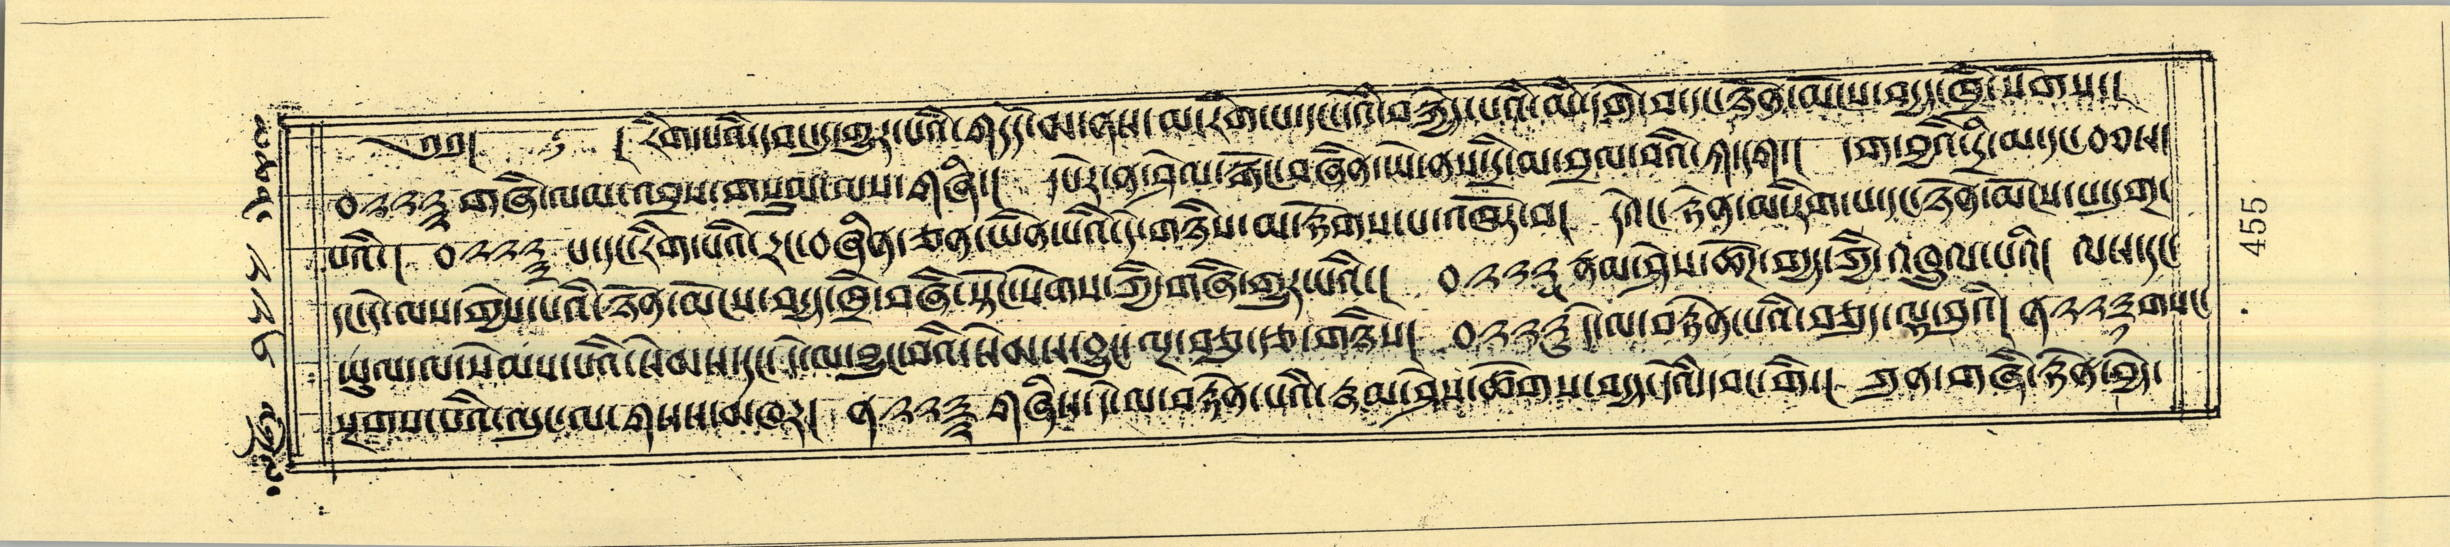རིག་པའི་དབང་དུ་གྱུར་པའི་༼གདོད་མ་ནས༽མ་རིག་པ་དང་དེས་བསྐྱེད་པའི་མི་དགེ་བ་དང་ཉོན་མོངས་པ་བརྒྱད་ཁྲི་སོགས་
བ༢༢༢།༢གཞི་ལམ་འབྲས་གསུམ་ལས་༼གཞི༽དཔེར་ན་ཤེལ་སྒོང་བཞིན་ཡེ་ནས་དྲི་མ་བྲལ་བས་༼ཀ་དག༽དག་བྱའི་དྲི་མ་དང་༼བཅས༽
པའི་ བ༢༢།༣པ་དང་རིག་པའི་༼རང་བཞིན༽ཅན་ཡིན་པས་དེ་གཉིས་མ་རྟོགས་པ་འཁོར་བ། དེའང་རྟེན་མ་རིག་པ་དང་ཉོན་མོངས་པ་དུག་ལྔ་
དང་དེ་ལས་གྱེས་པའི་ཉོན་མོངས་བརྒྱད་ཁྲི་བཞི་སྟོང་སོགས་ཀྱི་གཞིར་གྱུར་པའི་ བ༢༢༢།༥རྣམ་ཤེས་ཚོགས་བརྒྱད་ཀྱི་༼འཁྲུལ་པའི༽༼ལས་དང༽
ཡུལ་ལ་སེམས་པའི་༼སེམས་དང༽དེ་ལས་བྱུང་བའི་༼སེམས་བྱུང༽ལྔ་བཅུ་རྩ་གཉིས་ བ༢༢༢།དེ་ལ་བརྟེན་པའི་བཅུད་ལྟ་བུའི་ ན༢༢༣།༡གསང་
སྔགས་པའི་ལུང་ལ་༼གསས་མཁར༽ན༢༢༣།༢༼གཞིས༽དེ་ལ་བརྟེན་པའི་རྣམ་ཤེས་ཚོགས་བརྒྱད་དེའི་དབང་གི་ཀུན་གཞིའི་རྟེན་བྱེད་